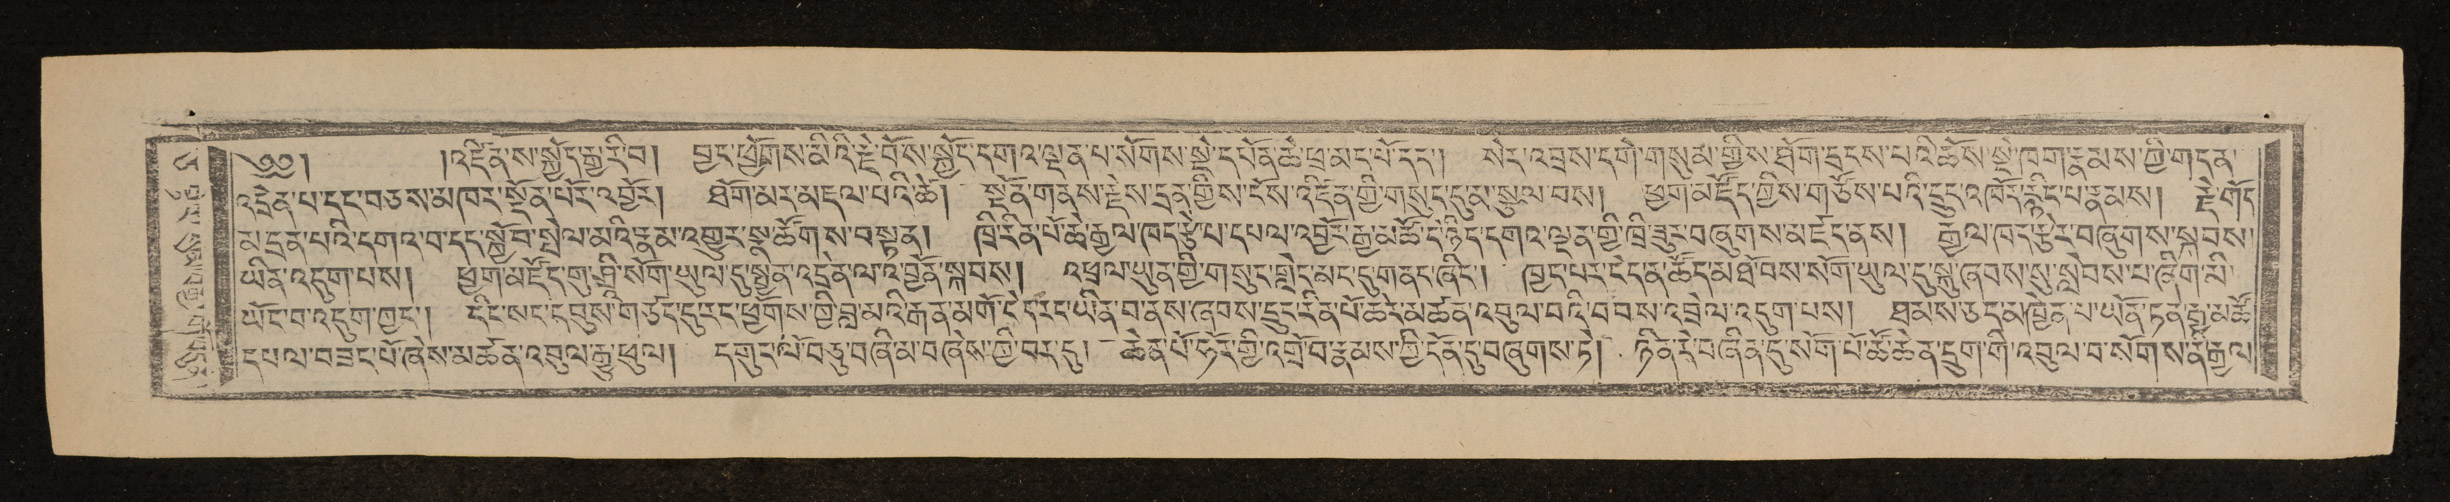༄༅། །འཛིན་ས་སྐྱོང་རྒྱ་རིབ། བྱང་ཕྱོགས་མིའི་རྗེ་བོས་སྐྱོང་དགའ་ལྡན་པ་སོགས་སྡེ་དཔོན་ཆེ་ཕྲ་མང་པོ་དང་། སེར་འབྲས་དགེ་གསུམ་གྱིས་ཐོག་དྲངས་པའི་ཆོས་སྡེ་ཁག་རྣམས་ཀྱི་གདན་
འདྲེན་པ་དང་བཅས་མཁར་སྔོན་པོར་འབྱོར། ཐོག་མར་མཇལ་བའི་ཚེ། སྔོན་གནས་རྗེས་དྲན་གྱིས་ངོས་འཛིན་གྱི་གསུང་དུ་མ་སྩལ་པས། ཕྱག་མཛོད་ཀྱིས་གཙོས་པའི་དྲུང་འཁོར་རྙིང་པ་རྣམས། རྗེ་གོང་
མ་དྲན་པའི་དགའ་བ་དང་སྐྱོ་བ་སྤེལ་མའི་རྣམ་འགྱུར་སྣ་ཚོགས་བསྟན། ཁྲི་རིན་པོ་ཆེ་རྒྱལ་ཁང་རྩེ་པ་དཔལ་འབྱོར་རྒྱ་མཚོ་དེ་ཉིད་དགའ་ལྡན་གྱི་ཁྲི་ཟུར་བཞུགས་མཛད་ནས། རྒྱལ་ཁང་རྩེར་བཞུགས་སྐབས་
ཡིན་འདུག་པས། ཕྱག་མཛོད་གུ་ཤྲཱི་སོག་ཡུལ་དུ་སྤྱན་འདྲེན་ལ་འབྱོན་སྐབས། འཕྲལ་ཡུན་གྱི་གསུང་གླེང་མང་དུ་གནང་ཞིང་། ཁྱད་པར་ངེད་ན་ཚོད་མཐོ་བས་སོག་ཡུལ་དུ་སྐུ་ཞབས་སུ་སླེབས་པ་ཞིག་མི་
ཡོང་བ་འདུག་ཀྱང་། དེང་སང་དབུས་གཙང་དུ་རང་ཕྱོགས་ཀྱི་བླ་མའི་རྒན་མགོ་ངེད་རང་ཡིན་པ་ནས་ཞབས་དྲུང་རིན་པོ་ཆེར་མཚན་འབུལ་བའི་བབས་འབྲེལ་འདུག་པས། ཐམས་ཅད་མཁྱེན་པ་ཡོན་ཏན་རྒྱ་མཚོ་
དཔལ་བཟང་པོ་ཞེས་མཚན་འབུལ་རྒྱུ་ཕུལ། དགུང་ལོ་བཅུ་བཞི་མ་བཞེས་ཀྱི་བར་དུ། ཆེན་པོ་ཧོར་གྱི་འགྲོ་བ་རྣམས་ཀྱི་དོན་དུ་བཞུགས་ཏེ། ཉིན་རེ་བཞིན་དུ་སོག་པོ་ཚོ་ཆེན་དྲུག་གི་འབུལ་བ་སོགས་ནི་རྒྱལ་